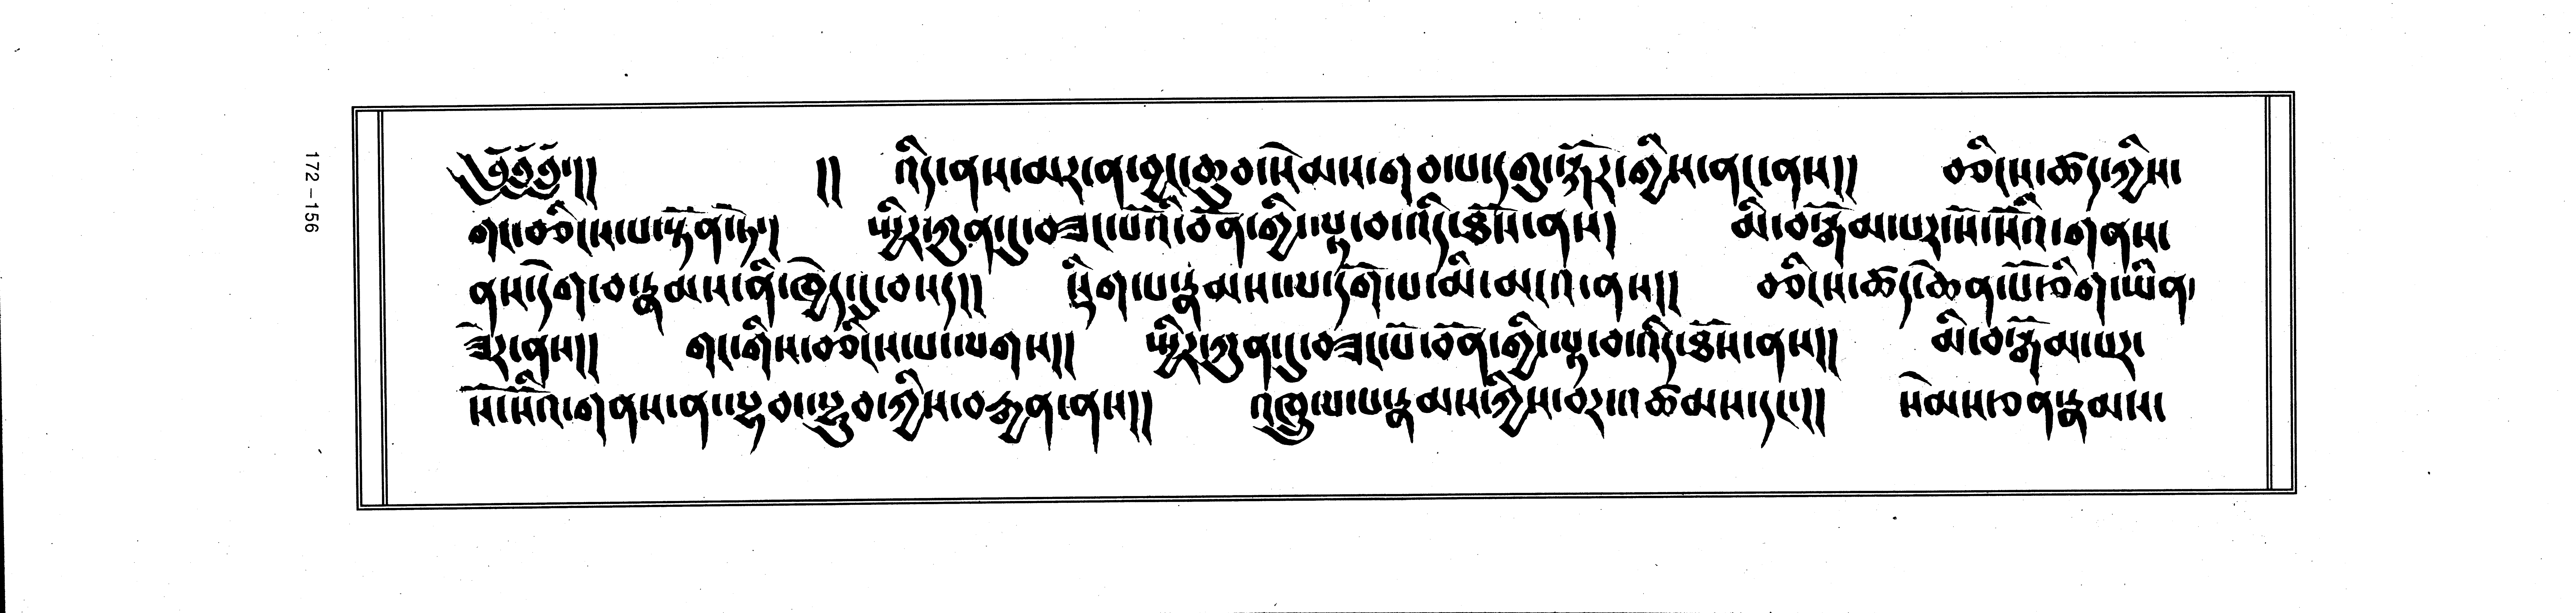༄༅༅།། །།འདི་ནས་མར་ན་བྱང་ཆུབ་སེམས་གབ་པ་དགུ་སྐོར་གྱིས་ནང་ནས། བཅིངས་ཚད་ཀྱིས་
གང་བཅིངས་པ་སྟོན་ཏེ། སྤྱིར་ཀུན་དུ་བཟང་པོའི་བོན་གྱི་ལྟ་བ་འདི་ཐོས་ནས། མི་བསྒོམ་པར་སོ་སོའི་གནས་
ནས་དགེ་བ་རྣམས་ནི་ཁྱེད་དུ་བསད། སྡིག་པ་རྣམས་ལ་དོག་པ་མི་མངའ་ནས། བཅིངས་ཚད་ཆེན་པོ་ཅིག་ཡིན་
ཟེར་ནས། གང་གིས་བཅིངས་པ་ལགས། སྤྱིར་ཀུན་དུ་བཟང་པོ་བོན་གྱི་ལྟ་བ་འདི་ཐོས་ནས། མི་བསྒོམ་པར་
སོ་སོའི་གནས་ན་ལྷབ་ལྷུབ་ཀྱིས་བརྒྱན་ནས། འཁྲུལ་པ་རྣམས་ཀྱིས་བར་འཚམས་དང་། སེམས་ཅན་རྣམས་